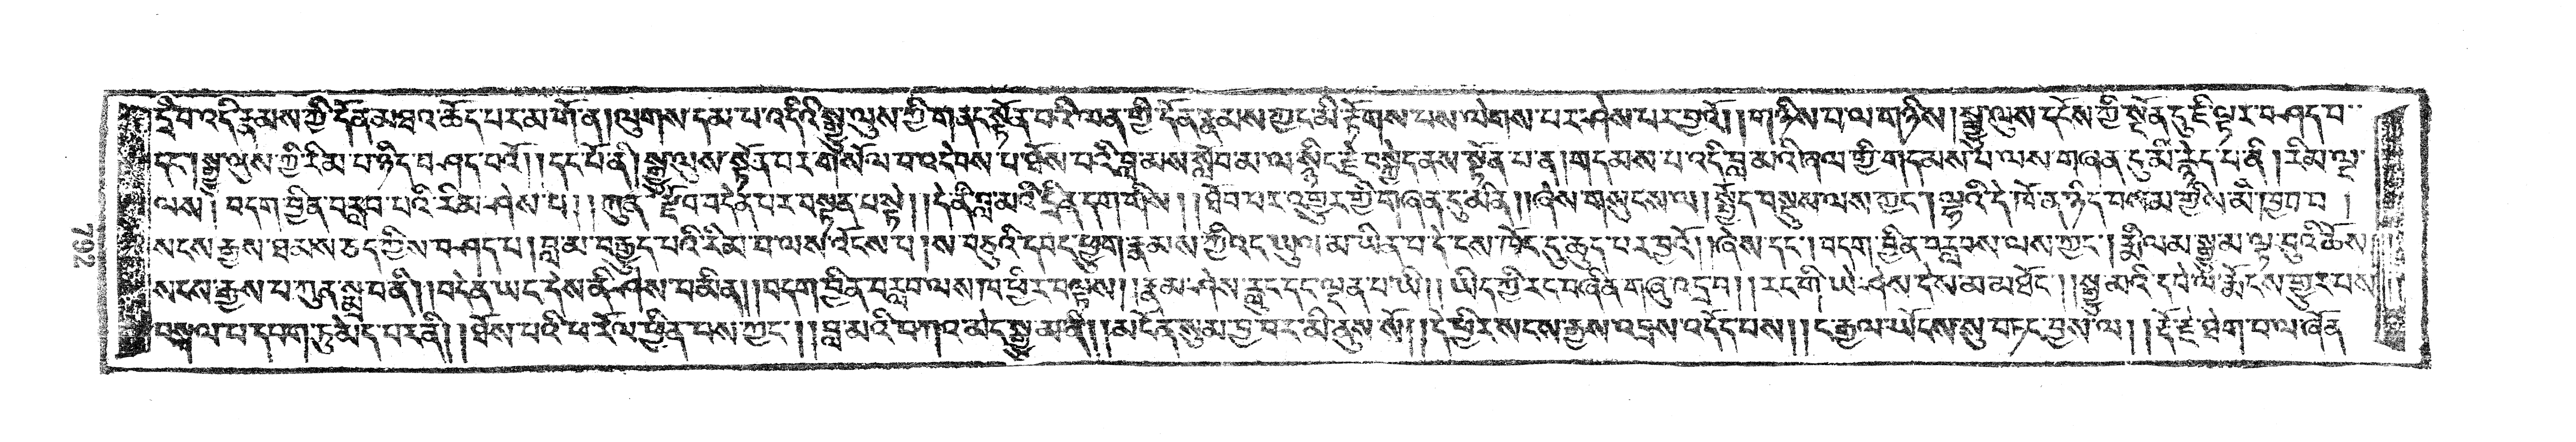དྲི་བ་འདི་རྣམས་ཀྱི་དོན་མཐའ་ཆོད་པར་མ་གོ་ན། ལུགས་དམ་པ་འདིའི་སྒྱུ་ལུས་ཀྱི་གནང་སྟོན་པའི་ལན་གྱི་དོན་རྣམས་ཀྱང་མི་རྟོགས་པས་ལེགས་པར་ཤེས་པར་བྱའོ། །གཉིས་པ་ལ་གཉིས། སྒྱུ་ལུས་དངོས་ཀྱི་སྔོན་དུ་ཇི་ལྟར་བཤད་པ་
དང་། སྒྱུ་ལུས་ཀྱི་རིམ་པ་ཉིད་བཤད་པའོ། །དང་པོ་ནི། སྒྱུ་ལུས་སྟོན་པར་གསོལ་བ་འདེབས་པ་ཐོས་པའི་བླ་མས་སློབ་མ་ལ་སྙིང་རྗེ་བསྐྱེད་ནས་སྟོན་པ་ན། གདམས་པ་འདི་བླ་མའི་ཞལ་གྱི་གདམས་པ་ལས་གཞན་དུ་མི་རྙེད་པ་ནི། རིམ་ལྔ་
ལས། བདག་བྱིན་བརླབ་པའི་རིམ་ཤེས་པ། །ཀུན་རྫོབ་བདེན་པར་བསྟན་པ་སྟེ། །དེ་ནི་བླ་མའི་དྲིན་དག་གིས། །ཐོབ་པར་འགྱུར་གྱི་གཞན་དུ་མིན། །ཞེས་གསུངས་ལ། སྤྱོད་བསྡུས་ལས་ཀྱང་། ལྷའི་དེ་ཁོ་ན་ཉིད་བསམ་གྱིས་མི་ཁྱབ་པ།
སངས་རྒྱས་ཐམས་ཅད་ཀྱིས་བཤད་པ། བླ་མ་བརྒྱུད་པའི་རིམ་པ་ལས་འོངས་པ། ས་བཅུའི་དབང་ཕྱུག་རྣམས་ཀྱིའང་ཡུལ་མ་ཡིན་པ་དེ་ངས་ཁོང་དུ་ཆུད་པར་བྱའོ། །ཞེས་དང་། བདག་བྱིན་བརླབས་ལས་ཀྱང་། རྨི་ལམ་སྒྱུ་མ་ལྟ་བུའི་ཆོས།
སངས་རྒྱས་པ་ཀུན་སྨྲ་བ་ནི། །བདེན་ཡང་དེས་ནི་ཤེས་པ་མིན། །བདག་བྱིན་བརླབ་ལས་ཁ་ཕྱིར་བལྟས། །རྣམ་ཤེས་རླུང་དང་ལྡན་པ་ཡི། །ཡིད་ཀྱི་རང་བཞིན་གཞུ་འདྲ་བ། །རང་གི་ཡེ་ཤེས་དེས་མ་མཐོང་། །སྒྱུ་མའི་དཔེ་ལ་རྨོངས་གྱུར་པས་
བསྐལ་པ་དཔག་ཏུ་མེད་པར་ནི། །ཐོས་པའི་ཕ་རོལ་ཕྱིན་པས་ཀྱང་། །བླ་མའི་བཀའ་མེད་སྒྱུ་མ་ནི། །མངོན་སུམ་བྱ་བར་མི་ནུས་སོ། །དེ་ཕྱིར་སངས་རྒྱས་འབྲས་འདོད་པས། །ང་རྒྱལ་ཡོངས་སུ་བཏང་བྱས་ལ། །རྡོ་རྗེ་ཐེག་པ་ལ་ཞོན་